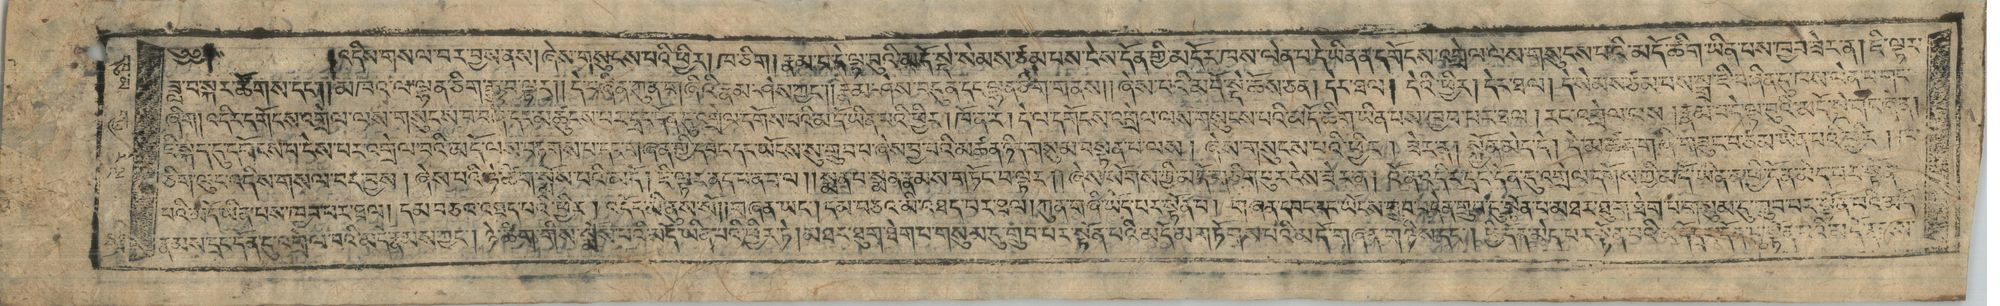༄༅། །འདིས་གསལ་བར་བྱས་ནས། ཞེས་གསུངས་པའི་ཕྱིར། ཁ་ཅིག །རྣམ་པ་དེ་ལྟ་བུའི་མདོ་སྡེ་སེམས་ཙམ་པས་ངེས་དོན་གྱི་མདོར་ཁས་ལེན་པ་དེ་ཡིན་ན་དགོངས་འགྲེལ་ལས་གསུངས་པའི་མདོ་ཚིག་ཡིན་པས་ཁྱབ་ཟེར་ན། ཇི་ལྟར་
ཟླ་བ་སྐར་ཚོགས་དང་། །མཁའ་ལ་ལྷན་ཅིག་རྒྱུ་བ་ལྟར། །དེ་བཞིན་ཀུན་གཞིའི་རྣམ་ཤེས་ཀྱང་། །རྣམ་ཤེས་བདུན་དང་ལྷན་ཅིག་གནས། །ཞེས་པའི་མདོ་སྡེ་ཆོས་ཅན། དེར་ཐལ། དེའི་ཕྱིར། དེར་ཐལ། དེ་སེམས་ཙམ་པས་སྒྲ་ཇི་བཞིན་དུ་ཁས་ལེན་པ་གང་
ཞིག །འདིར་དགོངས་འགྲེལ་ལས་གསུངས་པ་བཞི་དང་མཚུངས་པར་དྲང་དོན་དུ་འགྲེལ་དགོས་པའི་མདོ་ཡིན་པའི་ཕྱིར། ཁོ་ན་རེ། དེ་ལ་དགོངས་འགྲེལ་ལས་གསུངས་པའི་མདོ་ཚིག་ཡིན་པས་ཁྱབ་པར་ཐལ། རང་འགྲེལ་ལས། རྣམ་བདེ་ལྟ་བུའི་མདོ་སྡེ་གང་ཞེ་ན།
ཇི་སྐད་དུ་དགོངས་པ་ངེས་པར་འགྲེལ་བའི་མདོ་ལས་བཏགས་པ་དང་གཞན་གྱི་དབང་དང་ཡོངས་སུ་གྲུབ་པ་ཞེས་བྱ་བའི་མཚན་ཉིད་གསུམ་བསྟན་པ་ལས། ཞེས་གསུངས་པའི་ཕྱིར། ཟེར་ན། སྐྱོན་མེད་དེ། དེ་མཚན་གཞི་གཟུང་བཙམྱིན་པའི་ཕྱིར། ཁ་
ཅིག་ལུང་འདིས་གསལ་བར་བྱས། ཞེས་པའི་ཉེ་ཚིག་སྨོས་པའི་མདོ། ཇི་ལྟར་ནད་བ་ན་བ་ལ། །སྨན་བ་སྨན་རྣམས་གཏོད་པ་ལྟར། །ཞེས་སོགས་ཀྱི་མདོ་གཅིག་པུར་ངེས་ཟེར་ན། འོ་ན་འདིར་དྲང་དོན་དུ་འགྲེལ་དགོས་ཀྱི་མདོ་ཡིན་ན་ཕྱི་དོན་མེད་པར་སྟོན་
པའི་མདོ་ཡིན་པས་ཁྱབ་པར་ཐལ། དམ་བཅའ་འཐད་པའི་ཕྱིར། འདོད་མི་ནུས་སོ། །གཞན་ཡང་། དམ་བཅའ་མི་འཐད་པར་ཐལ། ཀུན་གཞི་ཡོད་པར་སྟོན་པ། གཞན་དབང་དང་ཡོངས་གྲུབ་བདེན་གྲུབ་དུ་སྟོན་པ་མཐར་ཐུག་ཐེག་པ་གསུམ་དུ་གྲུབ་པར་སྟོན་པའི་མདོ་
རྣམས་དྲང་དོན་དུ་འགྲེལ་བའི་མདོ་རྣམས་ཀྱང་། ཉེ་ཚིག་གིས་སྨོས་པའི་མདོ་ཡིན་པའི་ཕྱིར་ཏེ། མཐར་ཐུག་ཐེག་པ་གསུམ་དུ་གྲུབ་པར་སྟོན་པའི་མདོ་མ་གཏོགས་པའི་མདོ་གཞན་གཉིས་དང་། ཕྱི་དོན་མེད་པར་སྟོན་པའི་མདོ་དྲང་དོན་དུ་སྟོན་པའི་མདོ་རྣམས་